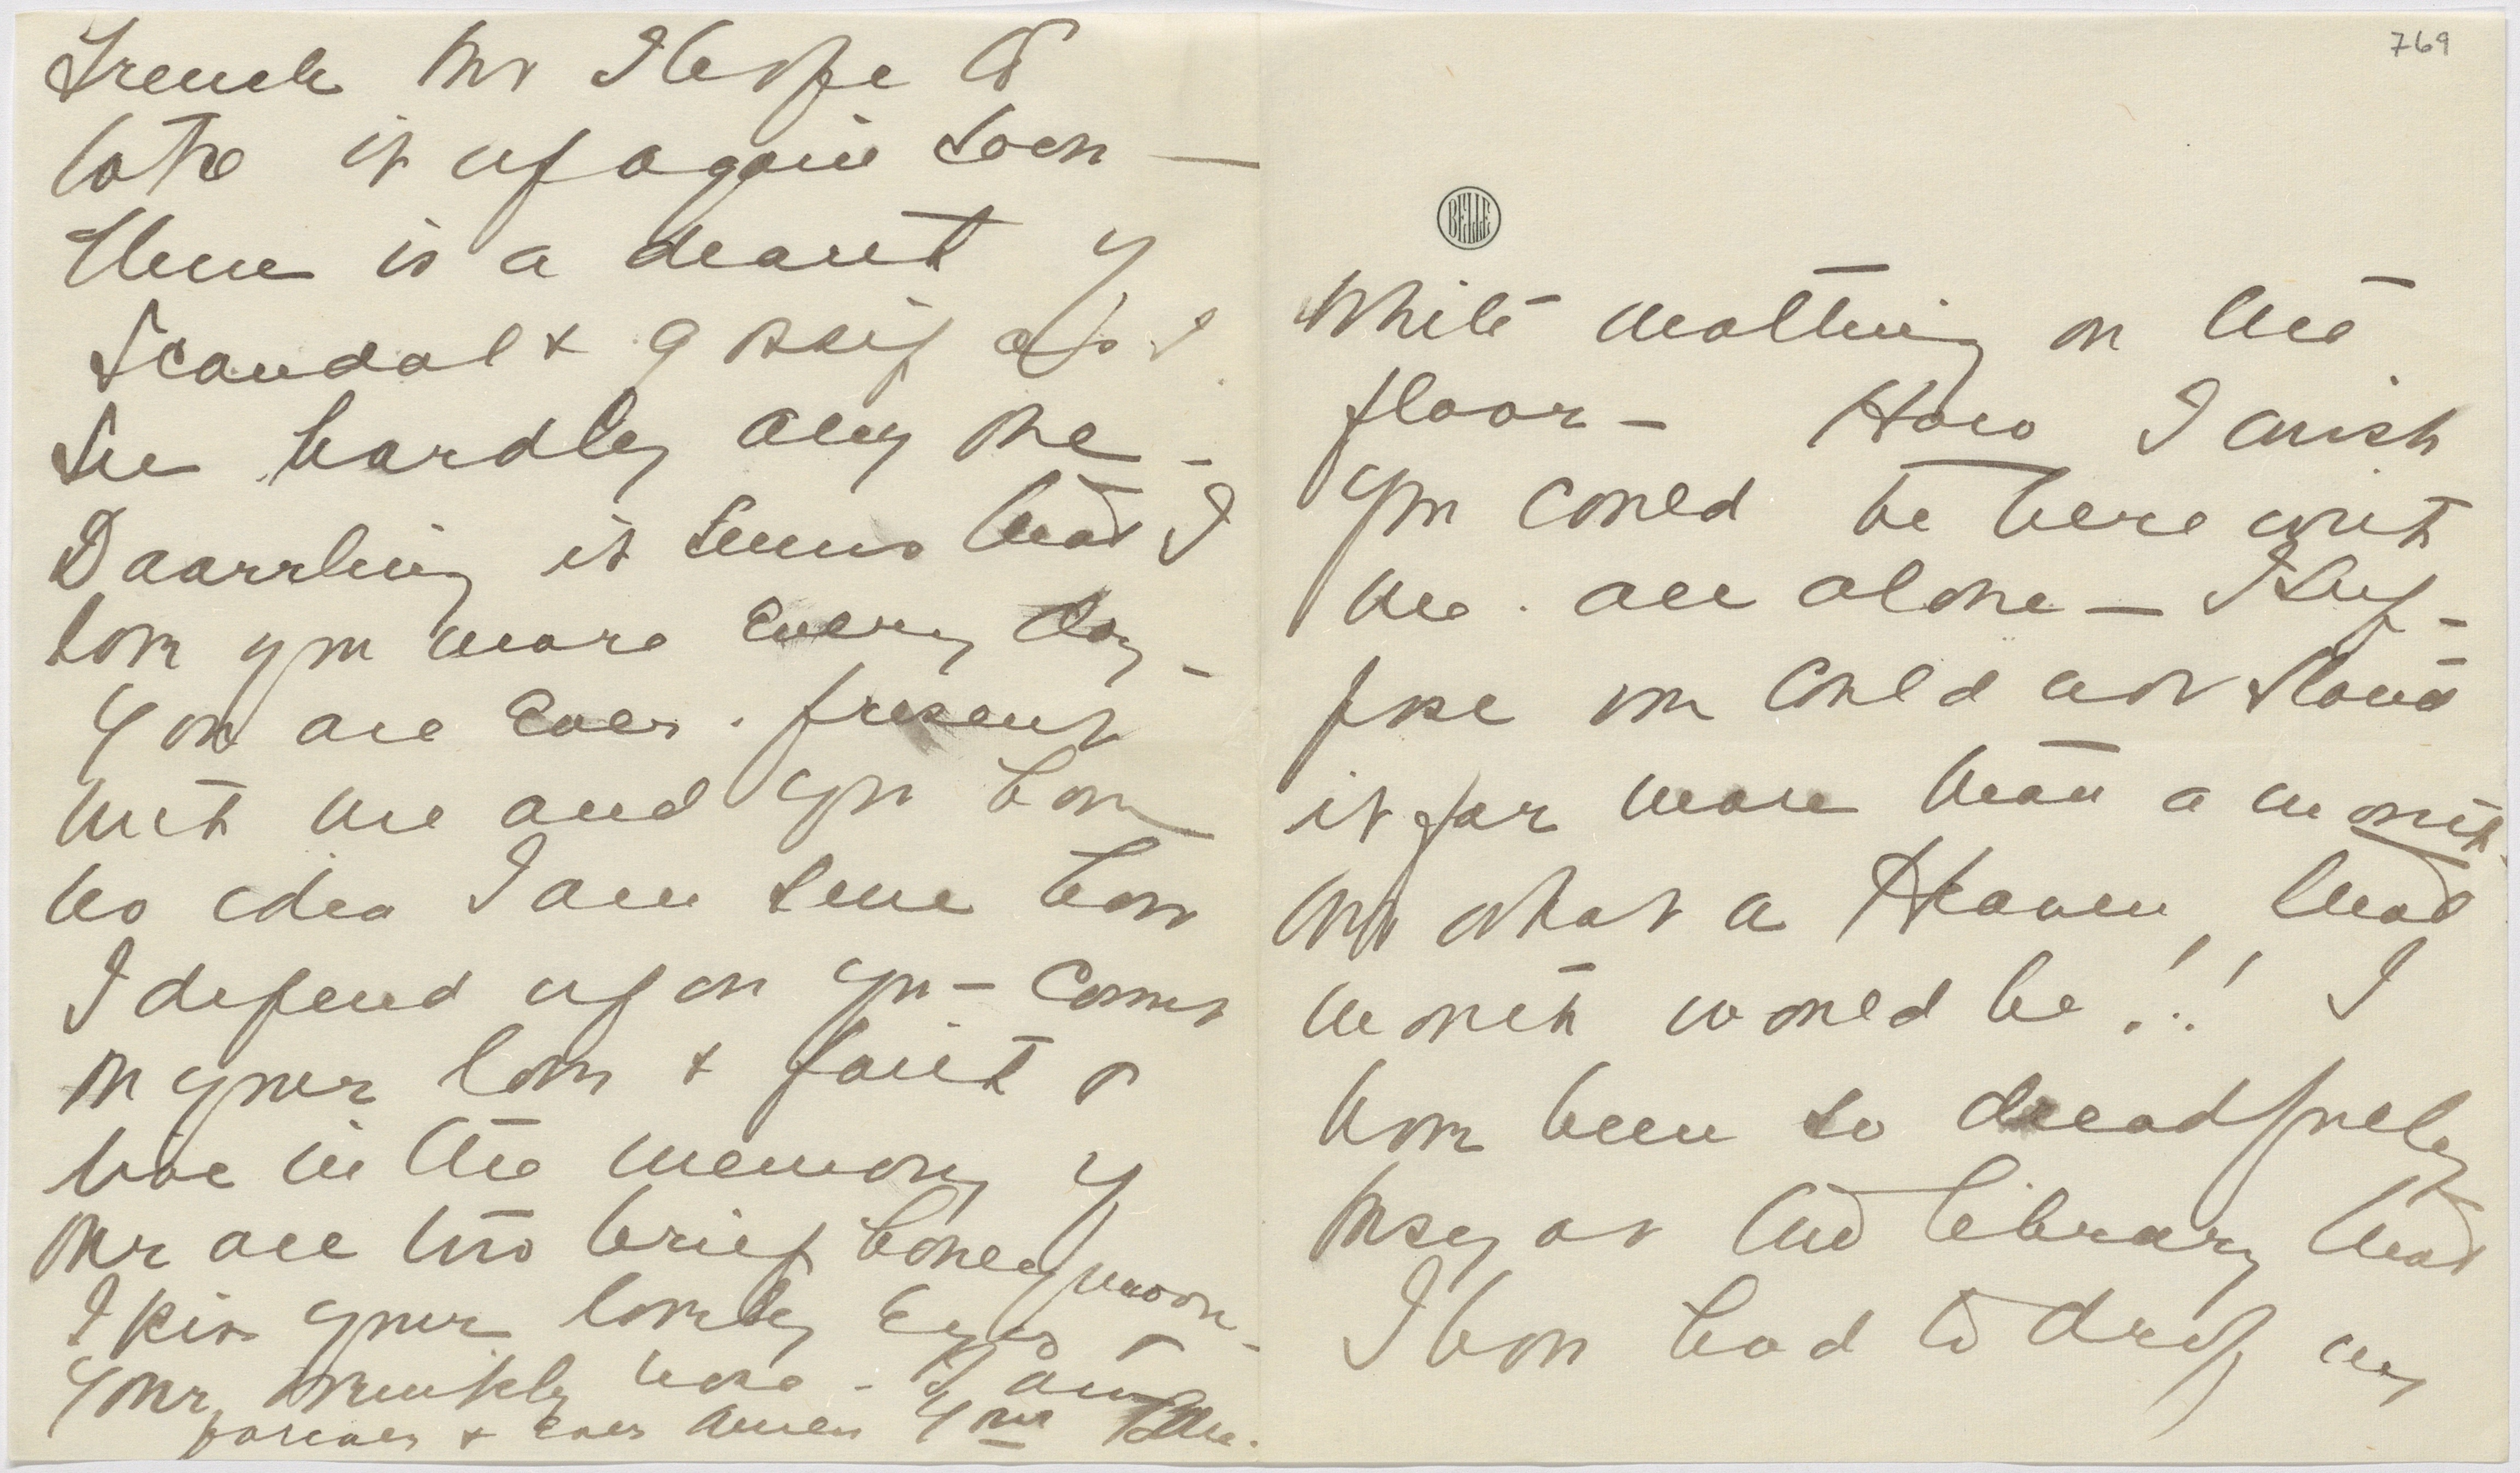white matting on the floor – How I wish you could be here with me all alone – I suppose we could not stand it for more than a month. But what a Heaven that month would be!! I have been so dreadfully busy at the library that I have had to drop my
French but I hope to take it up again soon – There is a dearth of scandal & gossip as I see hardly any one –
Daarrling it seems that I love you more every day – you are ever-present with me and you have no idea I am sure how I depend upon you – count on your love & faith & live in the memory of our all too brief honeymoon – I kiss your lovely eyes & your wrinkly nose – I am forever & ever amen Your Belle.